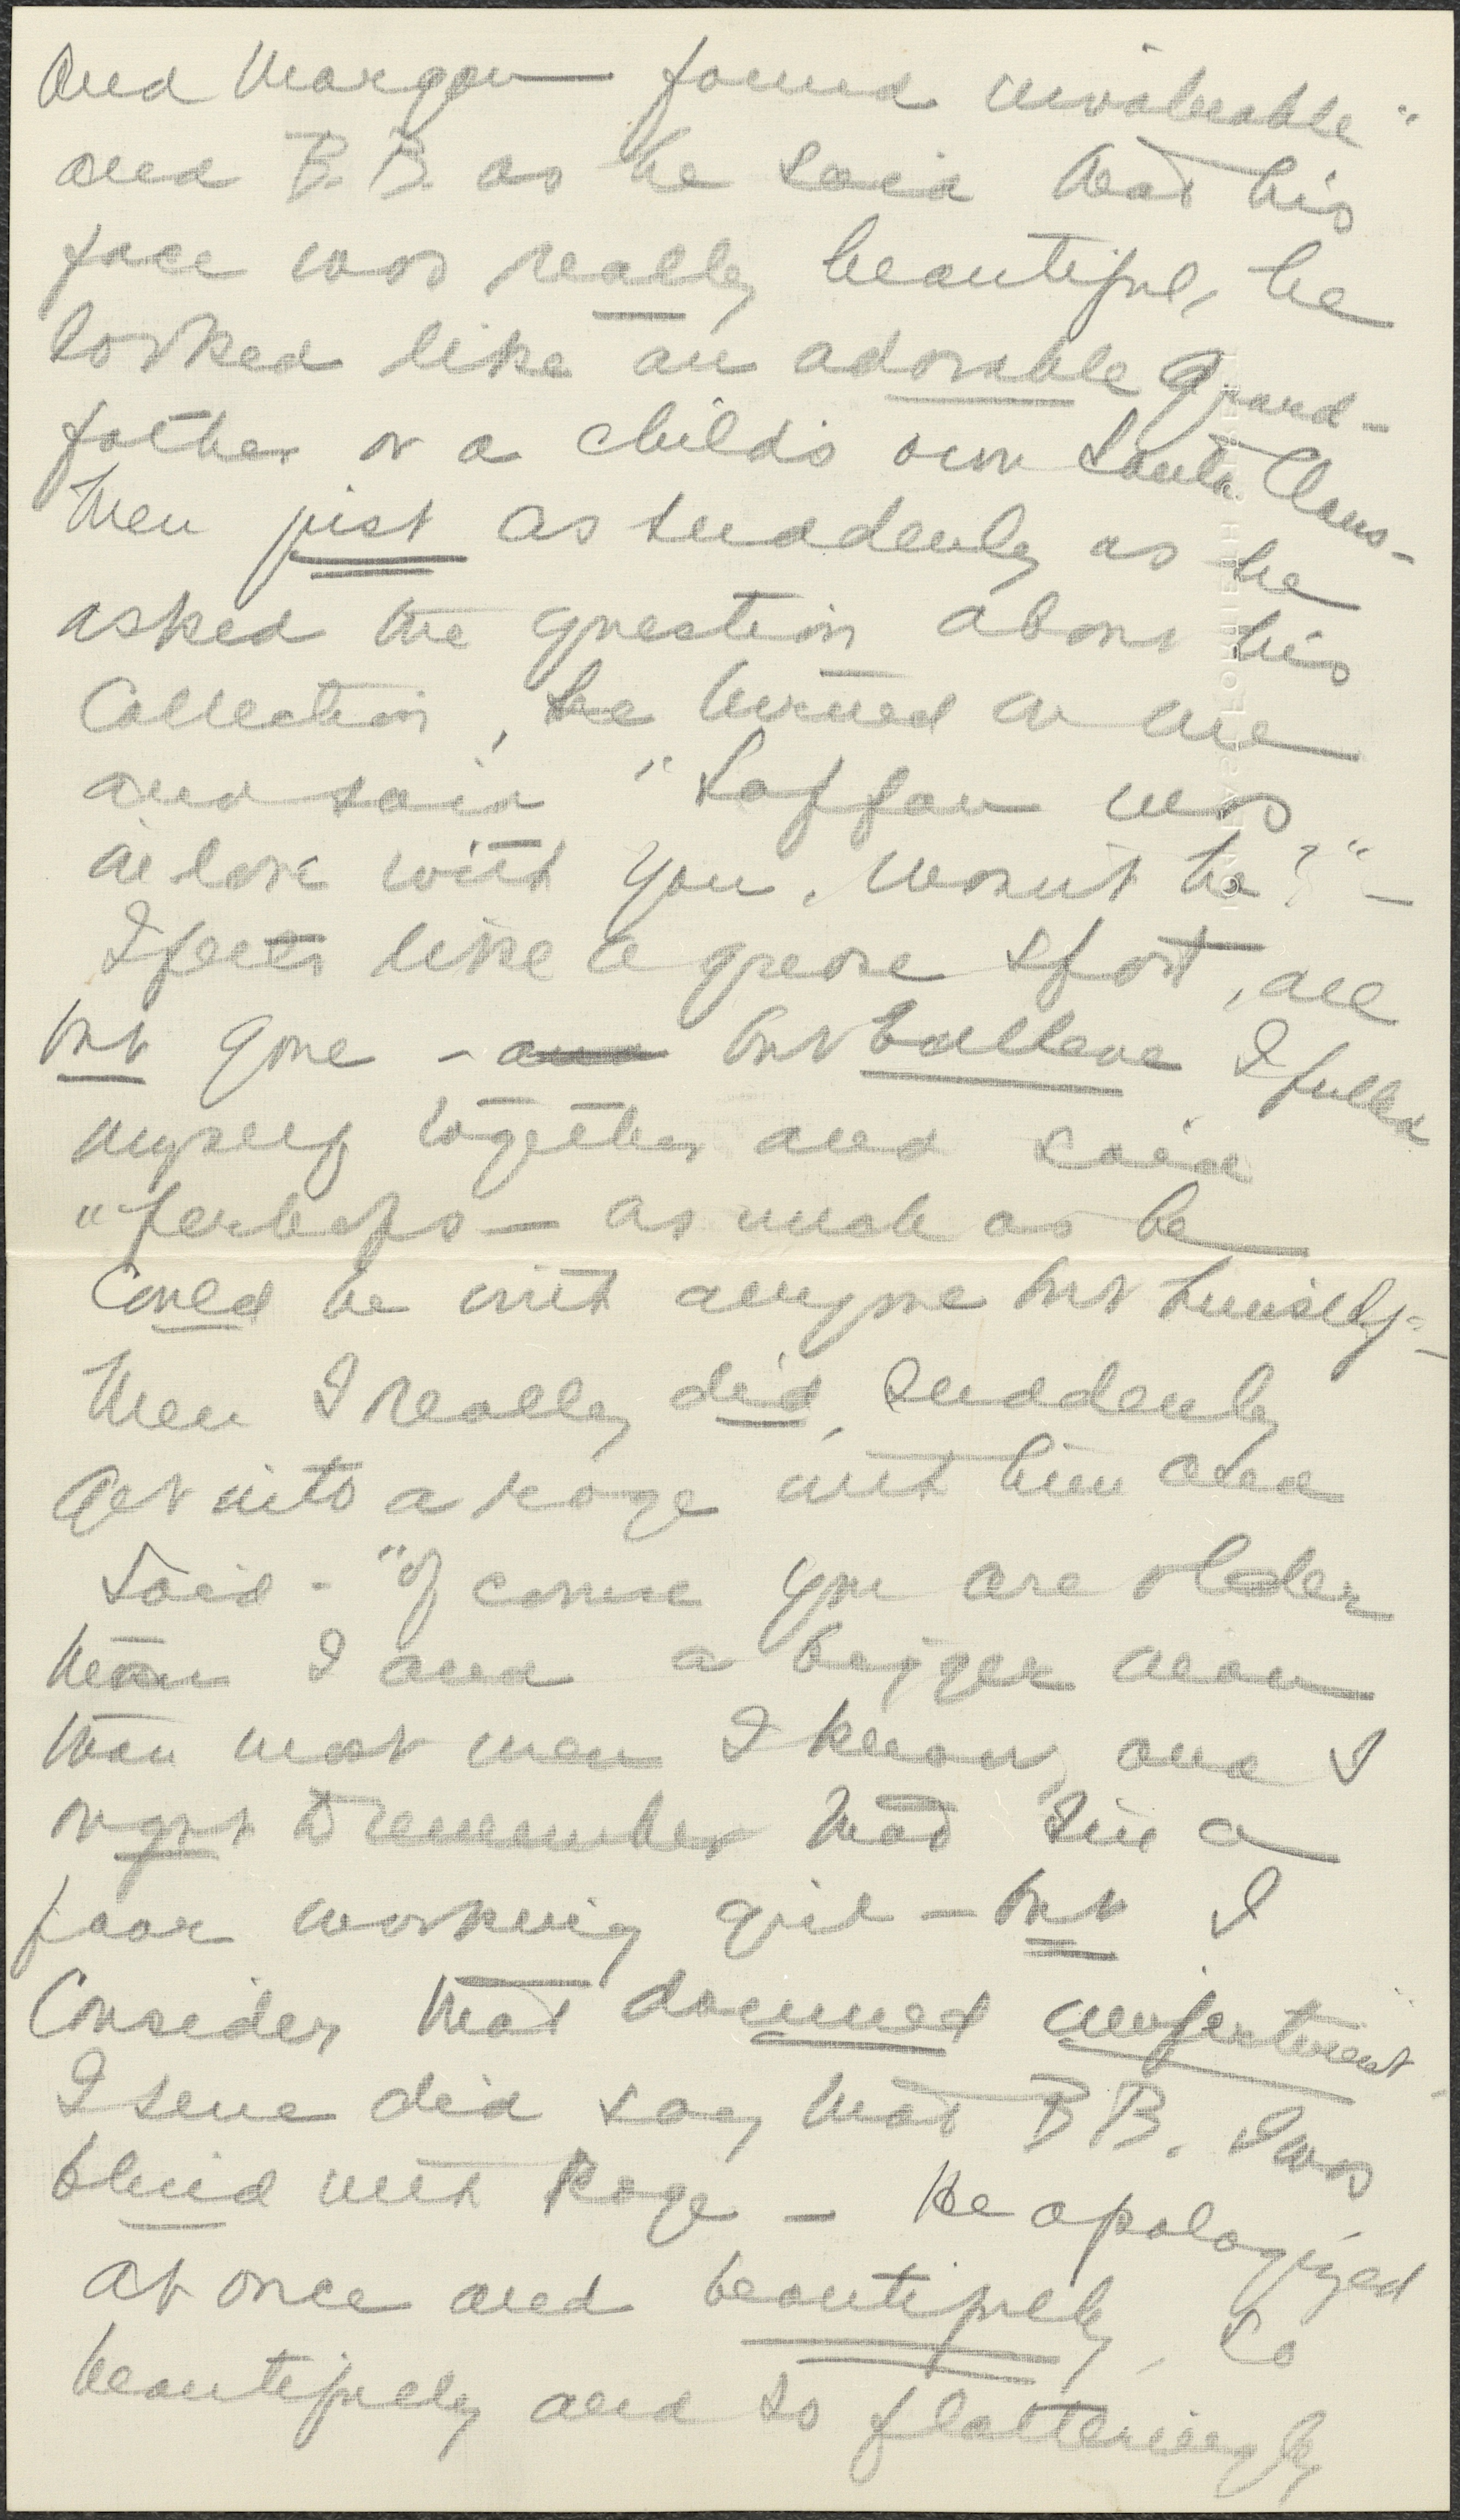and Morgan found invaluable” and B.B. as he said that his face was really beautiful, he looked like an adorable grandfather or a child’s own Santa Claus – then [double underlined: just] as suddenly as he asked the question about his collection, he turned on me and said “Laffan was in love with you, wasn’t he?” – I felt like a grease spot all but gone – but and bulleve I pulled myself together and said “perhaps – as much as he could be with anyone but himself” – Then I really did, suddenly get into a rage with him and said – “of course you are older than I and and a bigger man than most men I know, and I ought to remember that I’m a poor working girl – [double underlined: but] I consider that damned impertinent. I sure did say that B.B. I was blind with rage – He apologized at once and [double underlined: beautifully], so beautifully and so flatteringly